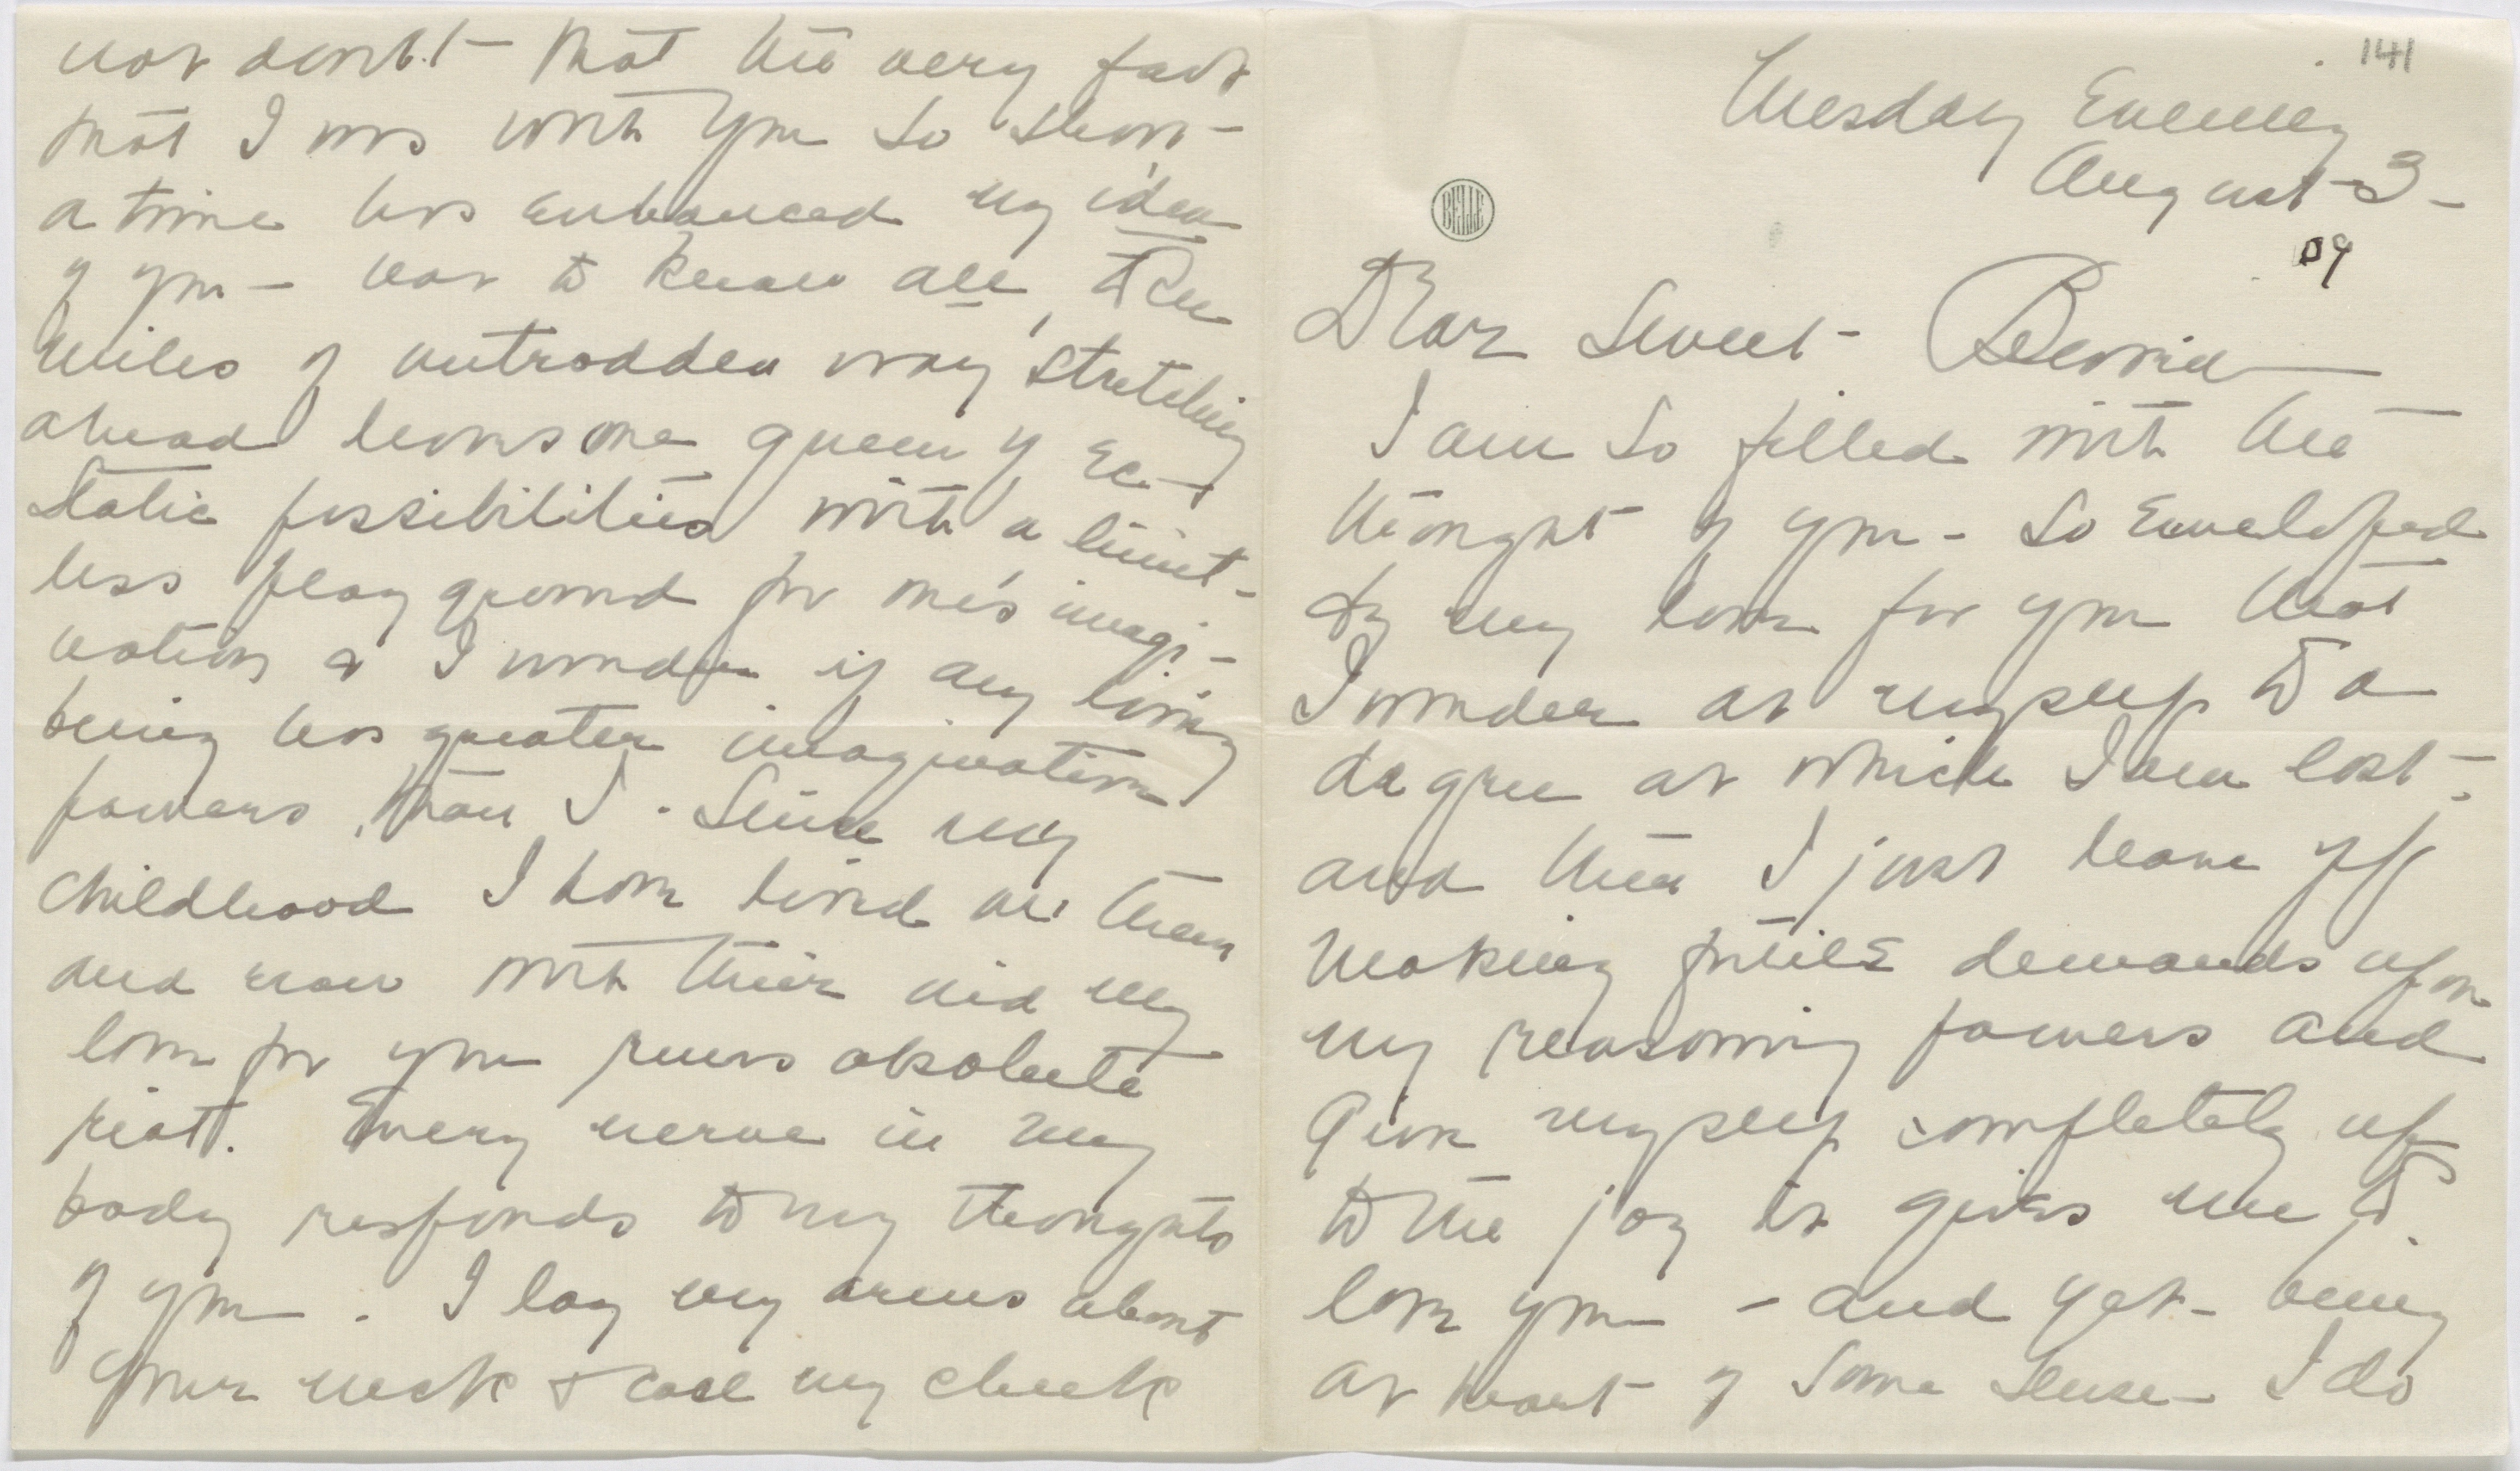Tuesday evening
August 3 –
Dear sweet Beloved
I am so filled with the thought of you – so enveloped by my love for you that I wonder at myself to a degree at which I am lost and then I just leave off making futile demands upon my reasoning powers and give myself completely up to the joy it gives me to love you – and yet – being at want of some sense – I do
not doubt that the very fact that I was with you so short a time has enhanced my idea of you – not to know all, to see miles of untrodden way stretching ahead leaves one queen of ecstatic possibilities with a limitless play ground for one’s imagination & I wonder if any living being has greater imaginative powers than I – Since my childhood I have lived in them and now with their aid my love for you runs absolute riot. Every nerve in my body responds to my thoughts of you. I lay my arms about your neck & cose my cheek